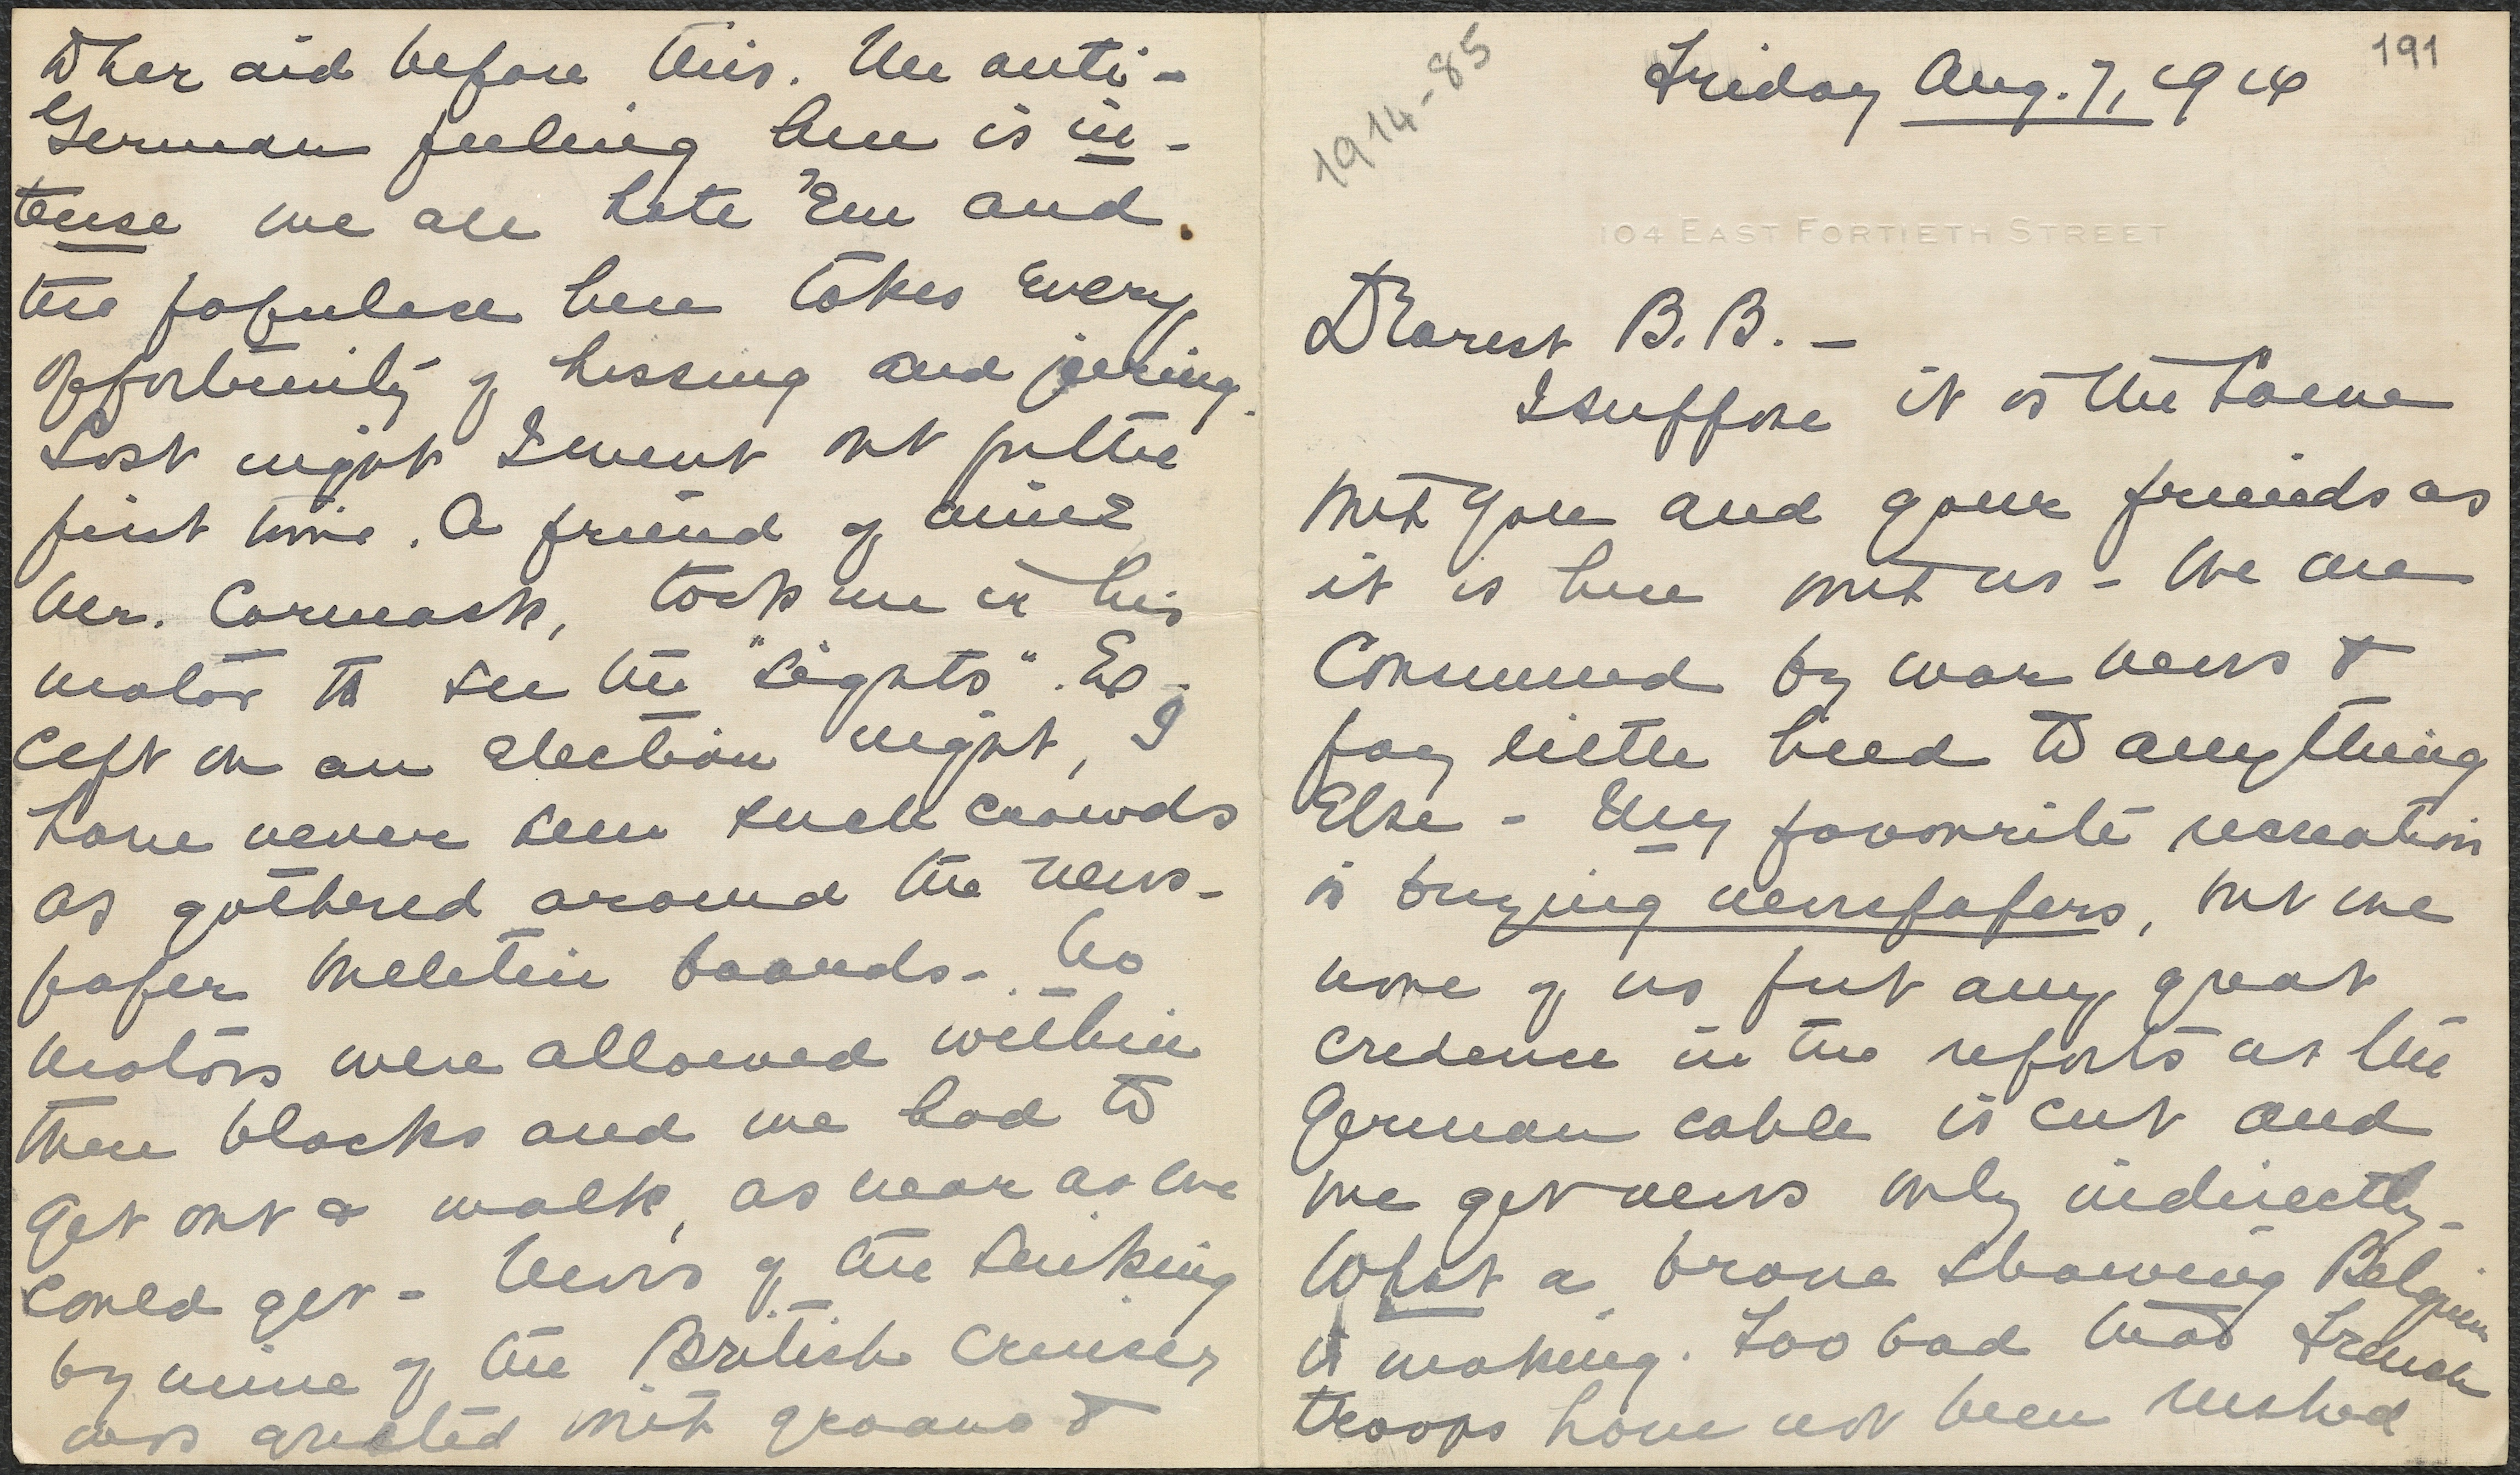Friday Aug. 7, 1914
Dearest B.B –
I suppose it is the same with You and your friends as it is here with us – We are consumed by war news & pay little heed to anything else – My favourite recreation is buying newspapers, but we none of us put any great credence in the reports at the German cable is cut and we get news only indirectly – What a brave showing Belgium is making. Too bad that French troops have not been rushed
to her aid before this. The anti-German feeling here is intense we all hate ‘em and the populace here takes every opportunity of hissing and jeering. Last night I went out for the first time. A friend of mine Mr. Cormack, took me in his motor to see the “sights.” Except on an election night, I have never seen such crowds as gathered around the newspaper bulletin boards – No motors were allowed within three blocks and we had to get out & walk, as near as we could get – News of the sinking by mine of the British cruiser was greeted with groans &